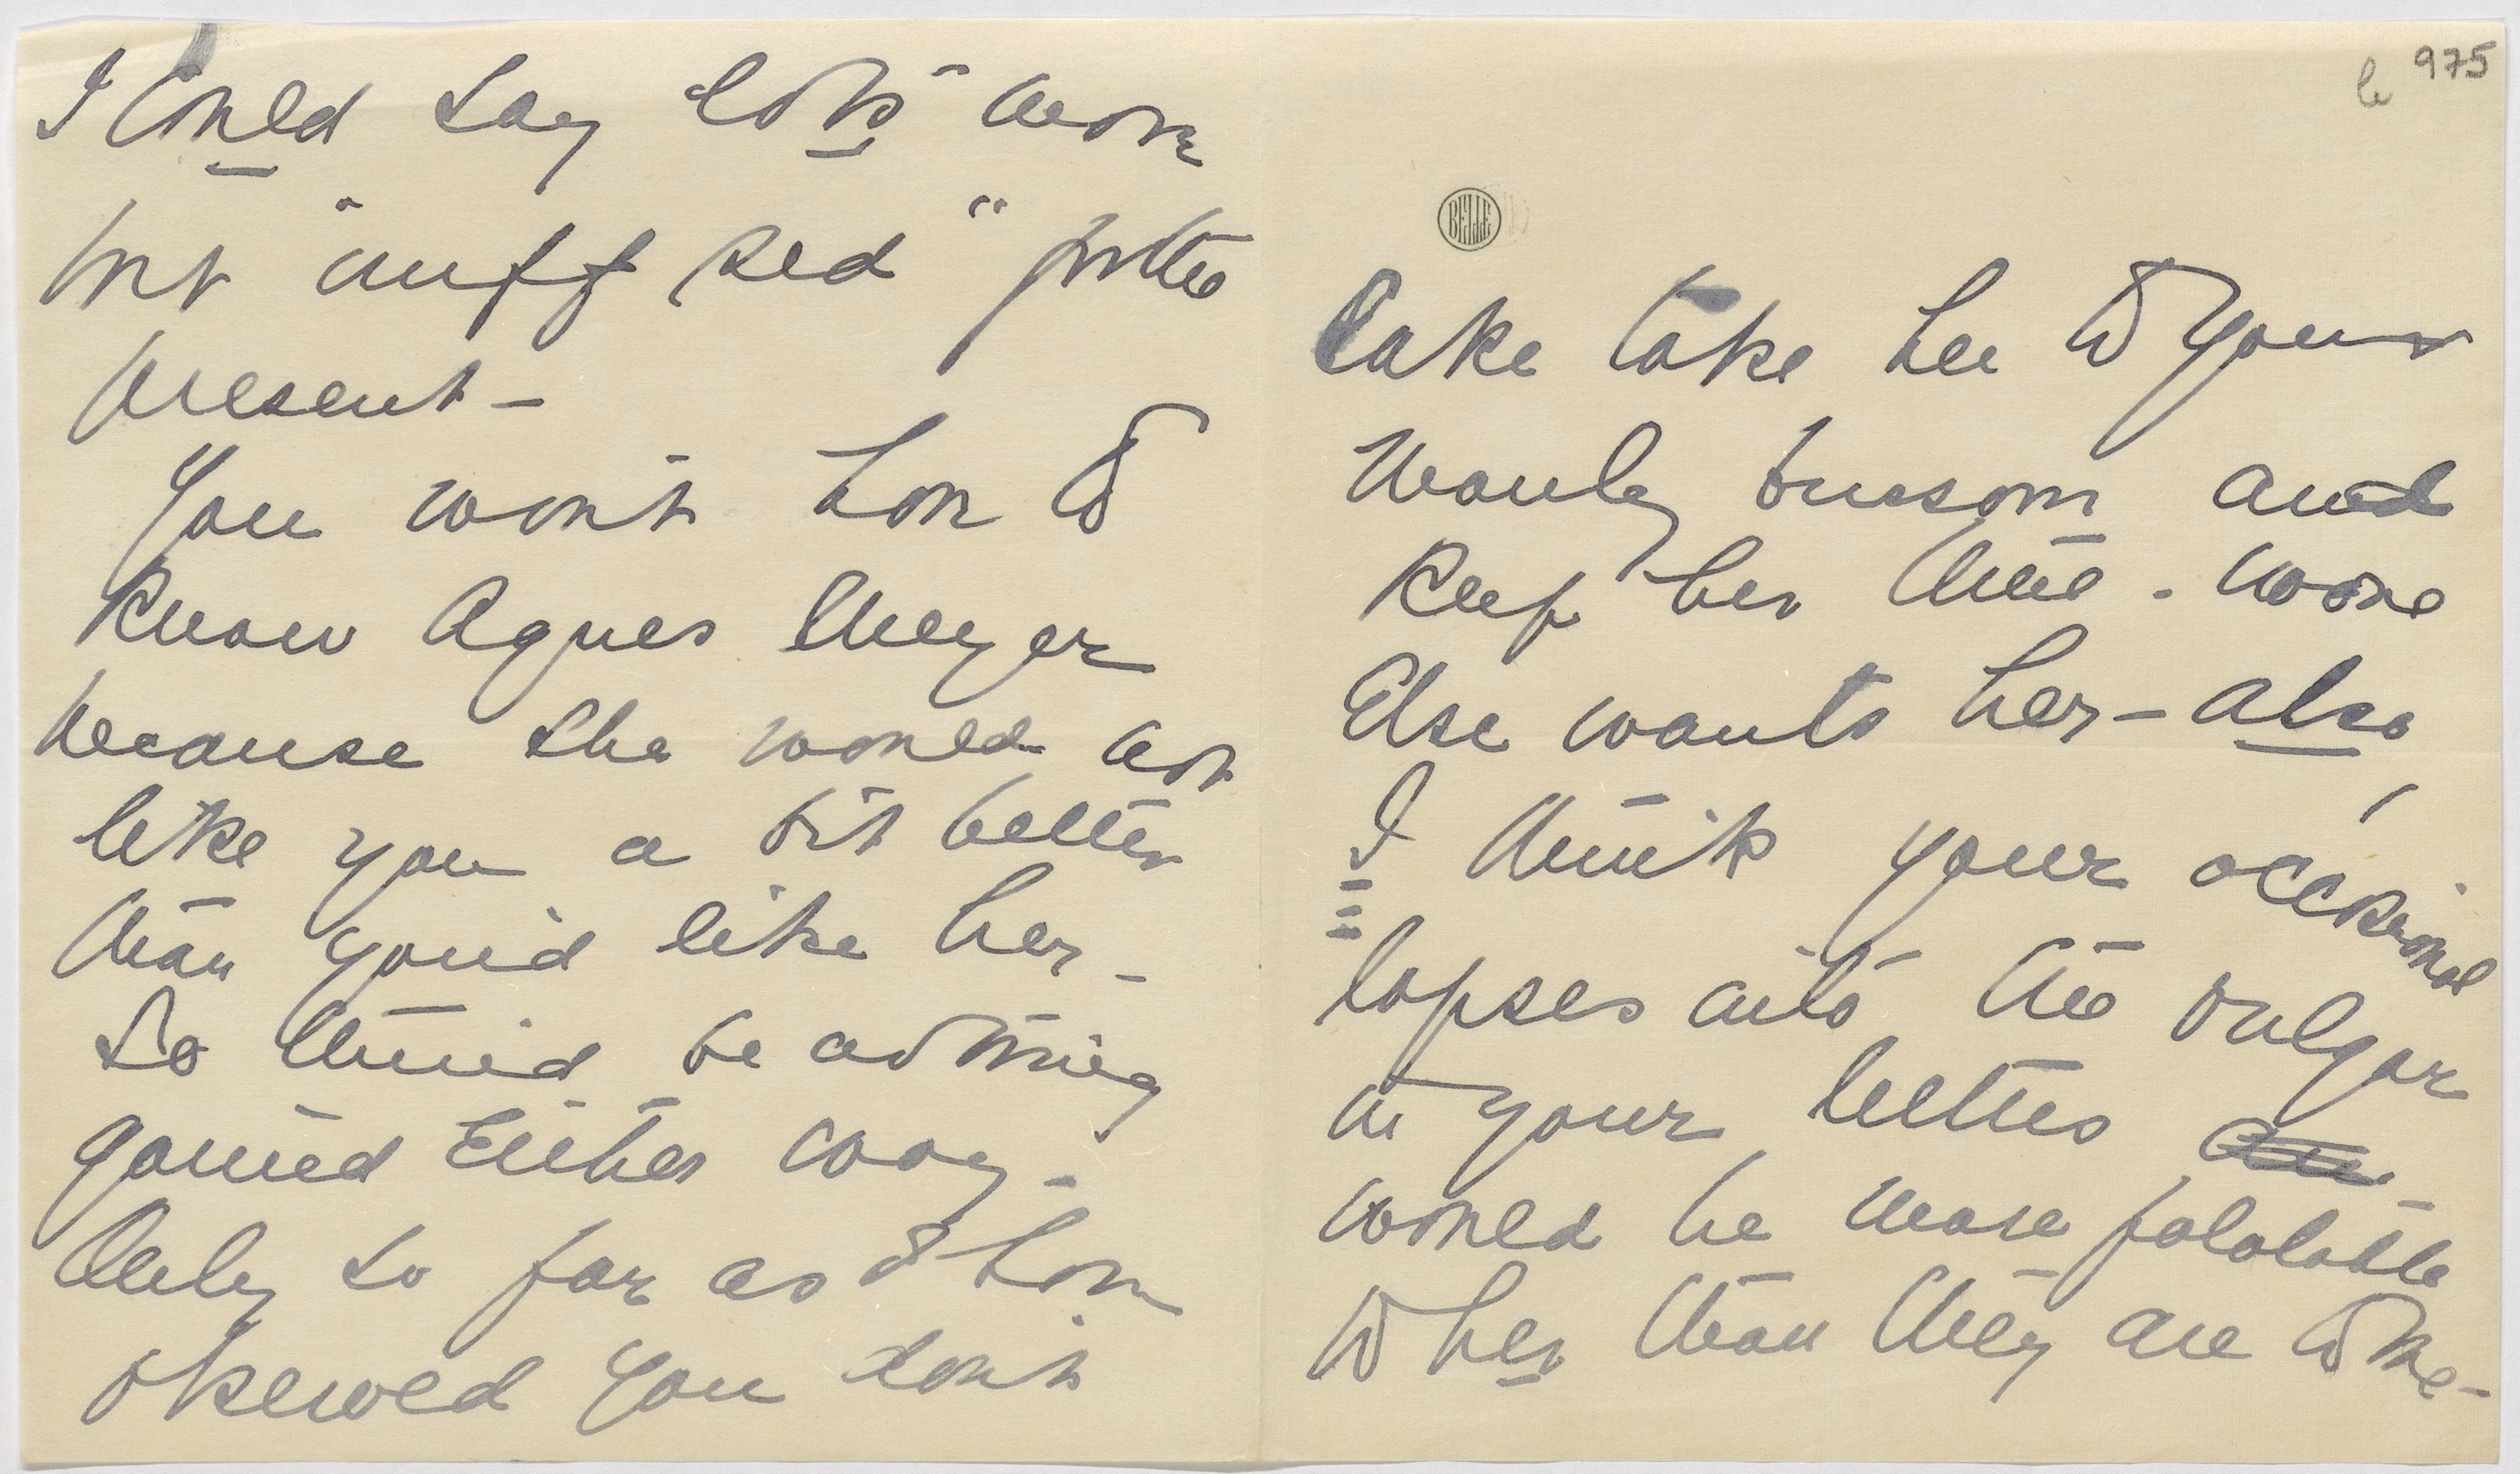sake take her off your manly bussom [sic] and keep her there – noone else wants her – also, [triple underlined: I] think your occasional lapses into the vulgar in your letters are would be more palatable to her than they are to me –
I could say lots more but “nuff sed” for the present –
You won’t have to know Agnes Meyer because she would not like you a bit better than you’d like her –
So there’d be nothing gained either way – only so far as I have observed you don’t